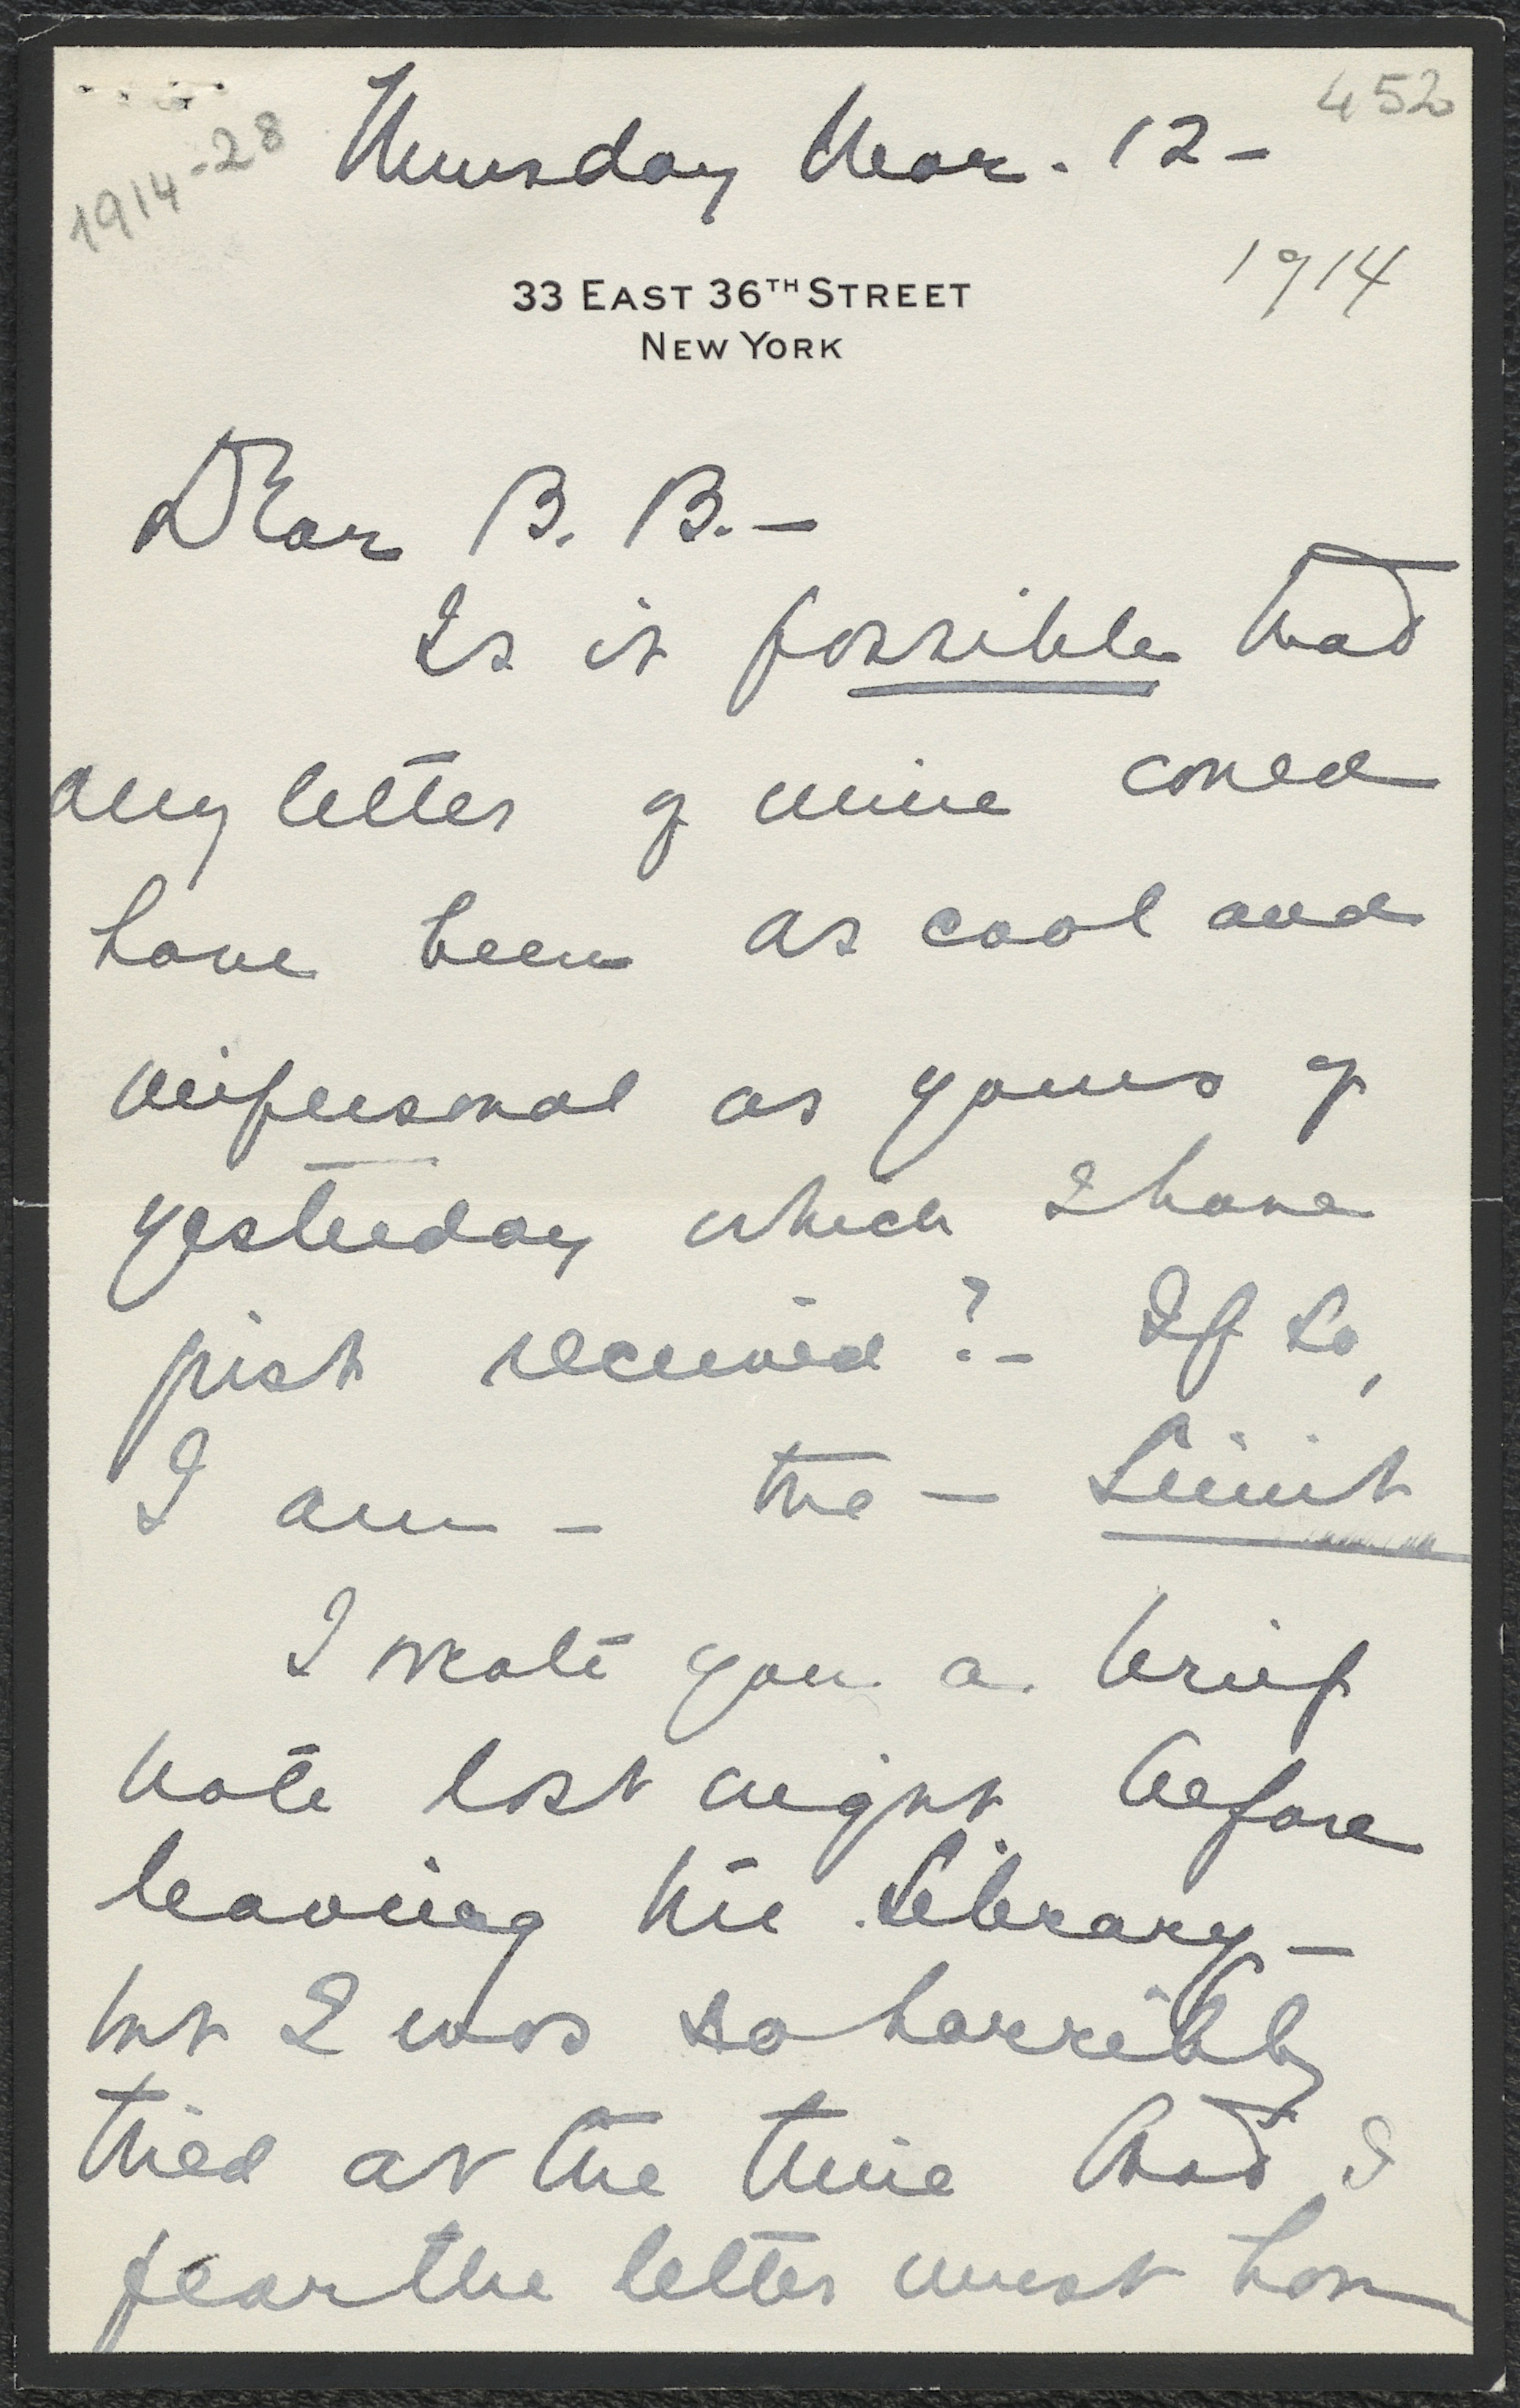Thursday Mar. 12 –
Dear B.B. –
Is it possible that any letter of mine could have been as cool and impersonal as yours of yesterday which I have just received? – If so, I am – the – limit
I wrote you a brief note last night before leaving the Library – but I was so horribly tired at the time that I fear the letter must have